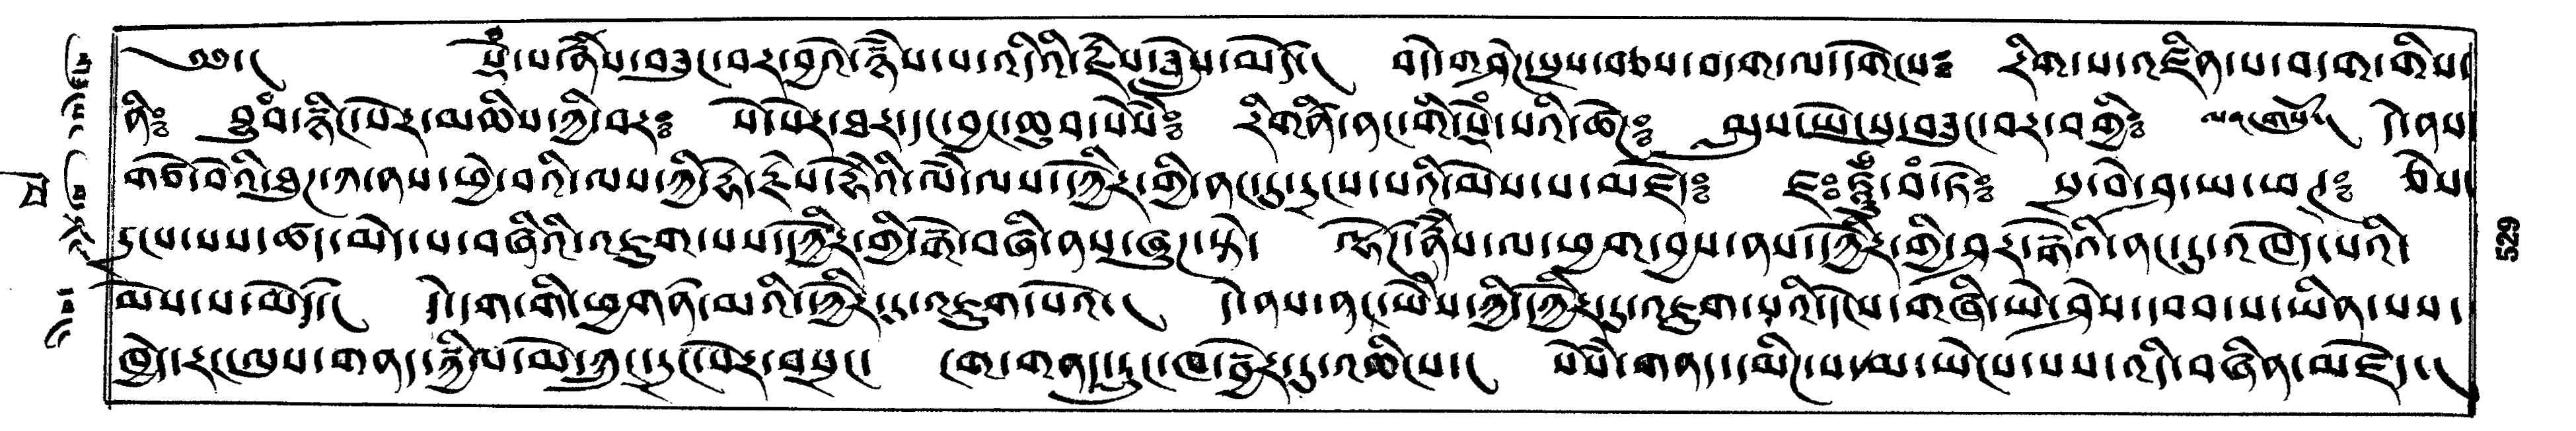སྡོམ་པ་རྣམས་བཟུང་བར་བྱའོ་སྙམ་པ་འདིའི་རྗེས་ཟློས་མཛོད།བདེ་གཤེགས་སྲས་བཅས་བདག་ལ་དགོངས༔ རིག་པ་འཛིན་པ་བདག་གིས་
ནི༔ བྱང་ཆུབ་སྙིང་པོར་མཆིས་ཀྱི་བར༔ སོ་སོར་ཐར་དང་བྱང་ཆུབ་སེམས༔ རིག་འཛིན་ནང་གི་སྡོམ་པའི་ཚོགས༔ མ་ལུས་ཡོངས་སུ་བཟུང་བར་བགྱི༔ ལན་གསུམ། དེ་ནས་
གཙོ་བོའི་ཐུགས་ཀ་ནས་ཕྱེ་བའི་ལས་ཀྱི་རྡོ་རྗེས་རྡོ་རྗེའི་ལམ་ལས་དཀྱིལ་འཁོར་གྱི་ནང་དུ་དྲངས་པའི་མོས་པ་མཛོད༔ ཛཿཧཱུྃ་བཾ་ཧོ༔ པྲ་བེ་ཤ་ཡ་ཕཊ༔ ཅེས་
དྲངས་པས་ཚད་མེད་པ་བཞིའི་འཇུག་པས་དཀྱིལ་འཁོར་གྱི་སྒོ་བཞི་ནས་ཞུགས་ཏེ། ལྷ་ཚོགས་རྣམས་ལ་ཕྱག་བྱས་ནས་དཀྱིལ་འཁོར་གྱི་ཤར་སྒོའི་ནང་དུ་འཁོད་པའི
མོས་པ་མཛོད། དེ་དག་གི་ཕྱག་མཚན་མའི་དཀྱིལ་འཁོར་དུ་འཇུག་པའོ།། དེ་ནས་ནང་ཡེ་ཤེས་ཀྱི་དཀྱིལ་འཁོར་དུ་འཇུག་པའི་དངོས་གཞི་ཡེ་ཤེས་དབབ་པ་ཡིན་པས་
ཁྱེད་རང་ལུས་གནད་སྐྱིལ་མོ་ཀྲུང་དྲངས་པོར་བསྲང་། ངག་གནད་རླུང་ཁ་སྦྱོར་དུ་འཆིངས། སེམས་གནད་དམིགས་པ་མ་ཡེངས་པས་འདི་བཞིན་མཛོད།